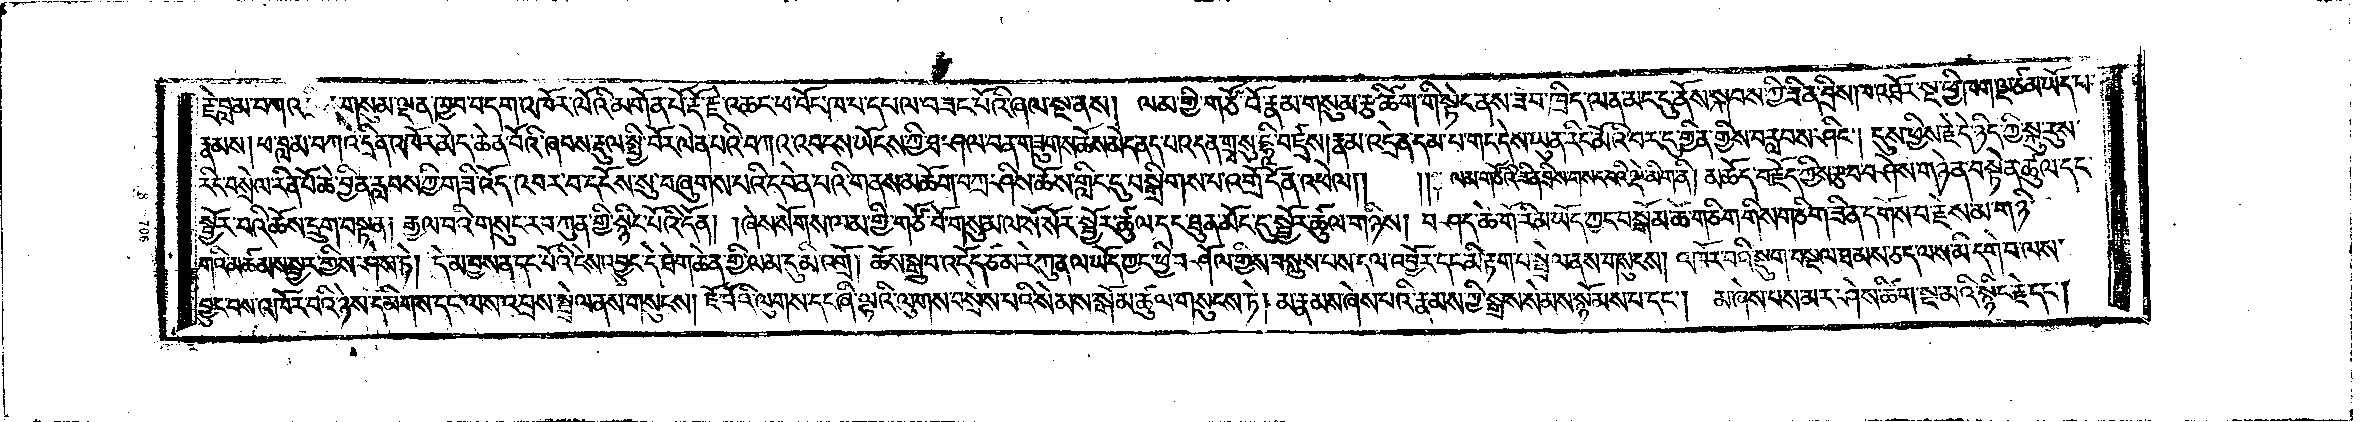རྗེ་བླ་མ་བཀའ་དྲིན་གསུམ་ལྡན་ཁྱབ་བདག་འཁོར་ལོའི་མགོན་པོ་རྡོ་རྗེ་འཆང་ཕ་བོང་ཁ་པ་དཔལ་བཟང་པོའི་ཞལ་སྔ་ནས། ལམ་གྱི་གཙོ་བོ་རྣམ་གསུམ་རྩ་ཚིག་གི་སྟེང་ནས་ཟབ་ཁྲིད་ལན་མང་དུ་ནོས་སྐབས་ཀྱི་ཟིན་བྲིས་ཁ་འཐོར་སྔ་ཕྱི་ཁག་ལྔ་ཙམ་ཡོད་པ་
རྣམས། ཕ་བླ་མ་བཀའ་དྲིན་འཁོར་མེད་ཆེན་པོའི་ཞབས་རྡུལ་སྤྱི་བོར་ལེན་པའི་བཀའ་འབངས་ཡོངས་ཀྱི་ཐ་ཤལ་བན་གཟུགས་ཆོས་མེད་ནད་པ་འདན་གྲྭ་སུ་དྷཱི་བཛྲས། རྣམ་འདྲེན་དམ་པ་གང་དེས་ཡུན་རིང་མོའི་བར་དུ་བྱིན་གྱིས་བརླབས་ཤིང་། དུས་ཕྱིས་རྗེ་དེ་ཉིད་ཀྱི་སྐུ་རུས་
རིང་བསྲེལ་རིན་པོ་ཆེ་བྱིན་རླབས་ཀྱི་གཟི་འོད་འབར་བ་དངོས་སུ་བཞུགས་པའི་དབེན་པའི་གནས་མཆོག་བཀྲ་ཤིས་ཆོས་གླིང་དུ་བསྒྲིགས་པ་འགྲོ་དོན་འཕེལ།། །།༈ ལམ་གཙོའི་ཟིན་བྲིས་གསང་བའི་ལྡེ་མིག་ནི།  མཆོད་བརྗོད་ཀྱིས་རྩ་བ་བཤེས་གཉེན་བསྟེན་ཚུལ་དང་
སྦྱོར་བའི་ཆོས་དྲུག་བསྟན། རྒྱལ་བའི་གསུང་རབ་ཀུན་གྱི་སྙིང་པོའི་དོན། །ཞེས་སོགས་ལམ་གྱི་གཙོ་བོ་གསུམ་ལ་སོ་སོར་སྦྱོར་ཚུལ་དང་ཐུན་མོང་དུ་སྦྱོར་ཚུལ་གཉིས། བཤད་ཚེ་གོ་རིམ་ཡོད་ཀྱང་བསྒོམ་ཚེ་གཅིག་གིས་གཅིག་ཟིན་དགོས་པ་རྗེས་མ་གཉི་
གའི་མཚམས་སྦྱར་གྱིས་ཤེས་ཏེ། དེ་མ་བྱས་ན་དང་པོའི་ངེས་འབྱུང་དེ་ཐེག་ཆེན་གྱི་ལམ་དུ་མི་འགྲོ། ཆོས་སྒྲུབ་འདོད་ཙམ་རེ་ཀུན་ལ་ཡོད་ཀྱང་ཕྱི་བཤོལ་གྱིས་བསླུས་པས་དལ་འབྱོར་དང་མི་རྟག་པ་སྦྲེལ་ནས་གསུངས། འཁོར་བའི་སྡུག་བསྔལ་ཐམས་ཅད་ལས་མི་དགེ་བ་ལས་
བྱུང་བས་འཁོར་བའི་ཉེས་དམིགས་དང་ལས་འབྲས་སྦྲེལ་ནས་གསུངས། ཇོ་བོའི་ལུགས་དང་ཞི་ལྷའི་ལུགས་བསྲེས་པའི་སེམས་སྒོམ་ཚུལ་གསུངས་ཏེ། མ་རྣམས་ཞེས་པའི་རྣམས་ཀྱི་སྒྲས་སེམས་སྙོམས་པ་དང་། མ་ཞེས་པས་མར་ཤེས་ཚིག་སྔ་མའི་སྙིང་རྗེ་དང་།